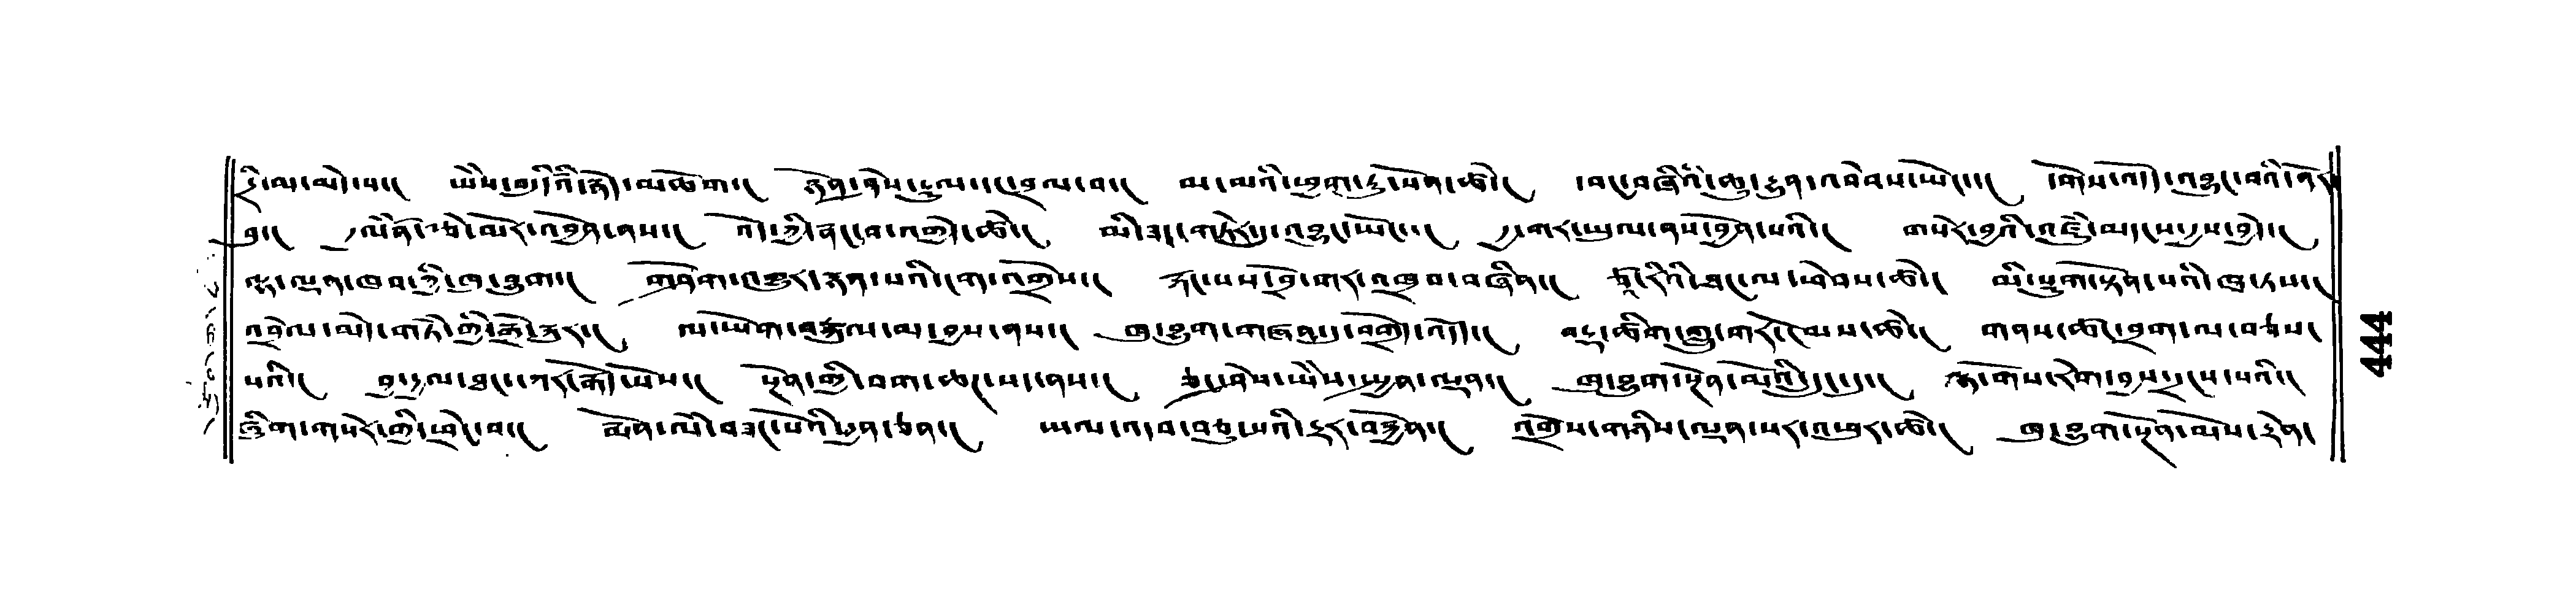དྲི་མ་མེད་པ། །ཡེ་ཤེས་བདུད་རྩིའི་སྣོད་མཆོག །ཉོན་ཤེས་རྡུལ་དང་བྲལ་བ། །མ་མའི་ཕྱག་ཏུ་སོན་ཚེ། །དབང་བཞིའི་ཆུ་རྒྱུན་འབེབས་ཡོང་། །དགོས་འདོད་འབྱུང་བའི་ནོར་
བུ། །རྒྱལ་མཚན་རྩེ་མོར་བྱོན་ནས། །འོད་ཀྱི་སྣང་བ་འགྱེད་ཚེ། །མི་ཟད་གཏེར་དུ་འབྱུང་ཡོང་། །རྒྱ་གར་ཡུལ་ནས་བྱོན་པའི། །གསེར་བྱའི་འཛུམ་མདངས་རྒྱས་བྱེད། །
ལྷ་ལྡན་ཁབ་ཀྱི་ཁུ་བྱུག །གཤོག་འགྱུར་སྙན་པའི་ངག་འགྲོས། །རྐང་པས་བྲོ་གར་འཁྲབ་བཞིན། །ཙཱ་རིའི་ཐང་ལ་ཕེབས་ཚེ། །མི་སྡུག་སྟོན་པའི་ཁཱ་ཏས། །
འབྲེལ་མེད་གཏམ་གྱི་སྒྲོ་སྐུར། །ལ་ཡོག་བསྐུལ་མ་བྱས་ནས། ཁུ་བྱུག་གཞན་དུ་བགྲོད་འདོད། །བརྡ་ཚིག་གླུ་གར་ངོམས་ཚེ། །གནས་ཚང་བྲག་ལ་བཅས་
པའི། །བྱ་རྒྱལ་ཐང་དཀར་རྒོད་པོས། །སྔོན་གྱི་བག་ཆགས་སད་ནས། །ཅང་ཤེས་ཡེ་ཤེས་སྤྱན་ལྡན།ཁུ་བྱུག་སྔོན་མོའི་དྲུང་དུ། །ལྷ་གོས་རེག་བྱས་དྲངས་པའི། །
ཞུ་ཡིག་གསེར་གྱིས་ཕྲེང་བ། །སྨོན་ལམ་བཟང་པོའི་རྒྱན་ཅན། །ཡལ་འདབ་བཅུ་པའི་རྟར་བསྐྱོན། །འགྲོས་གཉིས་ལྡན་པར་འཕུར་ཚེ། ཁུ་བྱུག་སྔོན་མོས་རྟེན་